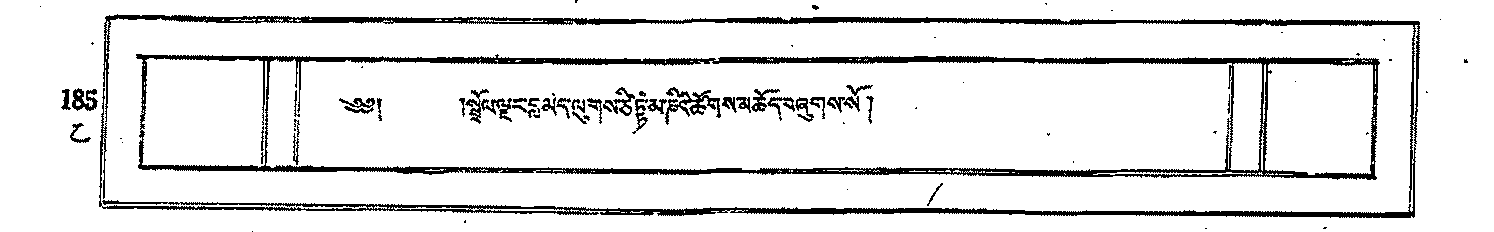༄༅། །སྒྲོལ་ལྗང་བླ་མེད་ལུགས་ཙིཏྟ་མ་ཎིའི་ཚོགས་མཆོད་བཞུགས་སོ།